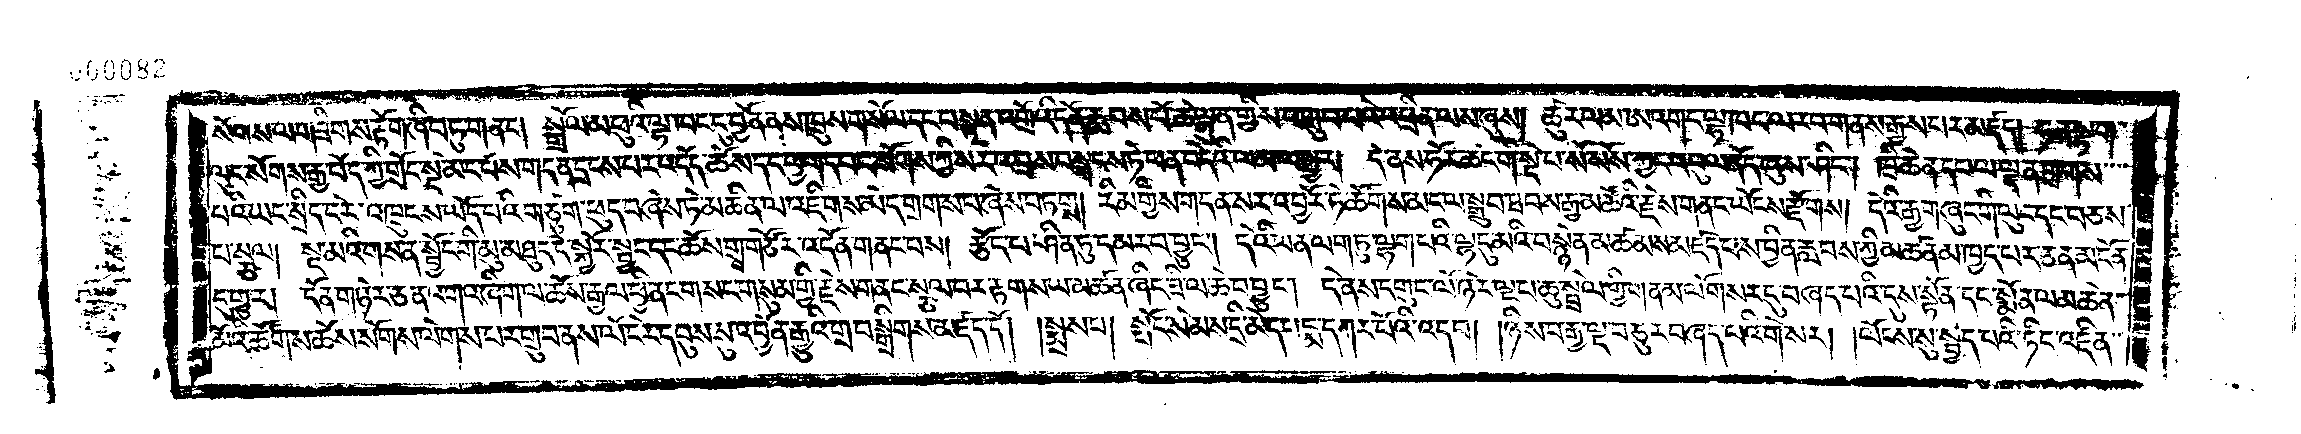སོགས་ལ་གཟིགས་རྟོག་ཞིབ་ཏུ་གནང་། སྒྲོལ་མ་ཕུའི་ལྷ་ཁང་དུ་བྱོན་ནས་ཁྲུས་གསོལ་དང་བསྟན་འགྲོའི་དོན་རླབས་པོ་ཆེ་ལྷུན་གྱིས་འགྲུབ་པའི་འཕྲིན་ལས་ཞུས། ཚུར་ལམ་ཨ་འགང་ལྷ་ཁང་ལ་རབ་གནས་རྒྱས་པར་མཛད། ཧན་སྟག་
ལུང་སོགས་རྒྱ་བོད་ཀྱི་གྲོང་སྡེ་མང་པོས་གདན་དྲངས་པར་འདོད་ཆོས་དང་ཕྱག་དབང་སོགས་ཀྱིས་རེ་འབྲས་བསྐངས་ཏེ་ཕན་བདེའི་ལམ་ལ་སྦྱར། དེ་ནས་ཧོར་ཚང་གི་སྡེབ་སོ་སོས་ཀྱང་འབུལ་ནོད་ཞུས་ཤིང་། ཁྲི་ཆེན་དཔལ་ལྡན་གྲགས་
པའི་ཡང་སྲིད་དེར་འཁྲུངས་ཡོད་པའི་གཙུག་ཕུད་བཞེས་ཏེ་མཚན་ལ་འཇིགས་མེད་གྲགས་པ་ཞེས་བཏགས། རིམ་གྱིས་གདན་སར་འབྱོར་ཏེ་ཚོགས་མང་ལ་སྒྲུབ་ཐབས་རྒྱ་མཚོའི་རྗེས་གནང་ཡོངས་རྫོགས། དེའི་རྒྱ་གཞུང་གི་ལུང་དང་བཅས་
པ་སྩལ། སྔ་མའི་གསན་སྦྱོང་གི་མུ་མཐུད་དེ་སྐྱོར་སྦྱང་དང་ཆོས་གྲྭ་གཙོར་འདོན་གནང་བས། རྩོད་པ་ཤིན་ཏུ་དམར་བ་བྱུང་། དེའི་ཡན་ལག་ཏུ་ལྷག་པའི་ལྷ་དུ་མའི་བསྙེན་མཚམས་མཛད་པས་བྱིན་རླབས་ཀྱི་མཚན་མ་ཁྱད་པར་ཅན་མངོན་
དུ་གྱུར། དོན་གཉེར་ཅན་འགའ་ཞིག་ལ་ཆོས་རྒྱལ་ཕྱི་ནང་གསང་གསུམ་གྱི་རྗེས་གནང་སྩལ་བར་རྟགས་ཡ་མཚན་ཞིང་ཟིལ་ཆེ་བ་བྱུང་། དེ་ནས་དགུང་ལོ་ཉེར་ལྔ་པ་ཆུ་སྤྲལ་གྱི་གནམ་ལོ་གསང་དུ་བཞད་པའི་དུས་སྟོན་དང་སྨོན་ལམ་ཆེན་
མོའི་ཚོགས་ཆོས་སོགས་ལེགས་པར་གྲུབ་ནས་ལོ་དེར་དབུས་སུ་འབྱོན་རྒྱུའི་གྲ་བསྒྲིགས་མཛད་དོ། །སྨྲས་པ། སྤོང་སེམས་དྲི་མེད་པདམ་དཀར་པོའི་འདབ། །ཉིས་བརྒྱ་ལྔ་བཅུར་བཞད་བའི་གེ་སར། །ལོངས་སུ་སྤྱད་པའི་ཏིང་འཛིན་